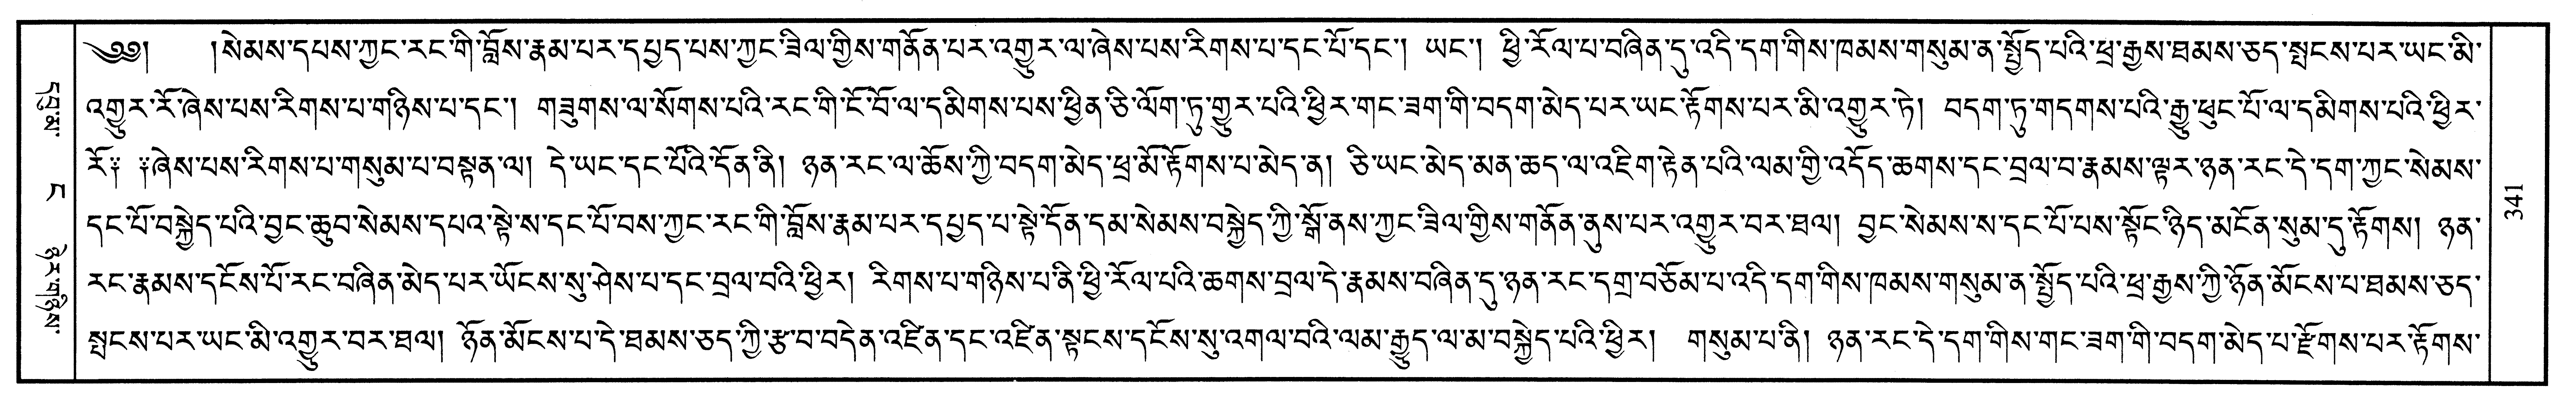༄༅། །སེམས་དཔས་ཀྱང་རང་གི་བློས་རྣམ་པར་དཔྱད་པས་ཀྱང་ཟིལ་གྱིས་གནོན་པར་འགྱུར་ལ་ཞེས་པས་རིགས་པ་དང་པོ་དང་། ཡང་། ཕྱི་རོལ་པ་བཞིན་དུ་འདི་དག་གིས་ཁམས་གསུམ་ན་སྤྱོད་པའི་ཕྲ་རྒྱས་ཐམས་ཅད་སྤངས་པར་ཡང་མི་
འགྱུར་རོ་ཞེས་པས་རིགས་པ་གཉིས་པ་དང་། གཟུགས་ལ་སོགས་པའི་རང་གི་ངོ་བོ་ལ་དམིགས་པས་ཕྱིན་ཅི་ལོག་ཏུ་གྱུར་པའི་ཕྱིར་གང་ཟག་གི་བདག་མེད་པར་ཡང་རྟོགས་པར་མི་འགྱུར་ཏེ། བདག་ཏུ་གདགས་པའི་རྒྱུ་ཕུང་པོ་ལ་དམིགས་པའི་ཕྱིར་
རོ༑ ༑ཞེས་པས་རིགས་པ་གསུམ་པ་བསྟན་ལ། དེ་ཡང་དང་པོའི་དོན་ནི། ཉན་རང་ལ་ཆོས་ཀྱི་བདག་མེད་ཕྲ་མོ་རྟོགས་པ་མེད་ན། ཅི་ཡང་མེད་མན་ཆད་ལ་འཇིག་རྟེན་པའི་ལམ་གྱི་འདོད་ཆགས་དང་བྲལ་བ་རྣམས་ལྟར་ཉན་རང་དེ་དག་ཀྱང་སེམས་
དང་པོ་བསྐྱེད་པའི་བྱང་ཆུབ་སེམས་དཔའ་སྟེ་ས་དང་པོ་བས་ཀྱང་རང་གི་བློས་རྣམ་པར་དཔྱད་པ་སྟེ་དོན་དམ་སེམས་བསྐྱེད་ཀྱི་སྒོ་ནས་ཀྱང་ཟིལ་གྱིས་གནོན་ནུས་པར་འགྱུར་བར་ཐལ། བྱང་སེམས་ས་དང་པོ་པས་སྟོང་ཉིད་མངོན་སུམ་དུ་རྟོགས། ཉན་
རང་རྣམས་དངོས་པོ་རང་བཞིན་མེད་པར་ཡོངས་སུ་ཤེས་པ་དང་བྲལ་བའི་ཕྱིར། རིགས་པ་གཉིས་པ་ནི་ཕྱི་རོལ་པའི་ཆགས་བྲལ་དེ་རྣམས་བཞིན་དུ་ཉན་རང་དགྲ་བཅོམ་པ་འདི་དག་གིས་ཁམས་གསུམ་ན་སྤྱོད་པའི་ཕྲ་རྒྱས་ཀྱི་ཉོན་མོངས་པ་ཐམས་ཅད་
སྤངས་པར་ཡང་མི་འགྱུར་བར་ཐལ། ཉོན་མོངས་པ་དེ་ཐམས་ཅད་ཀྱི་རྩ་བ་བདེན་འཛིན་དང་འཛིན་སྟངས་དངོས་སུ་འགལ་བའི་ལམ་རྒྱུད་ལ་མ་བསྐྱེད་པའི་ཕྱིར། གསུམ་པ་ནི། ཉན་རང་དེ་དག་གིས་གང་ཟག་གི་བདག་མེད་པ་རྫོགས་པར་རྟོགས་